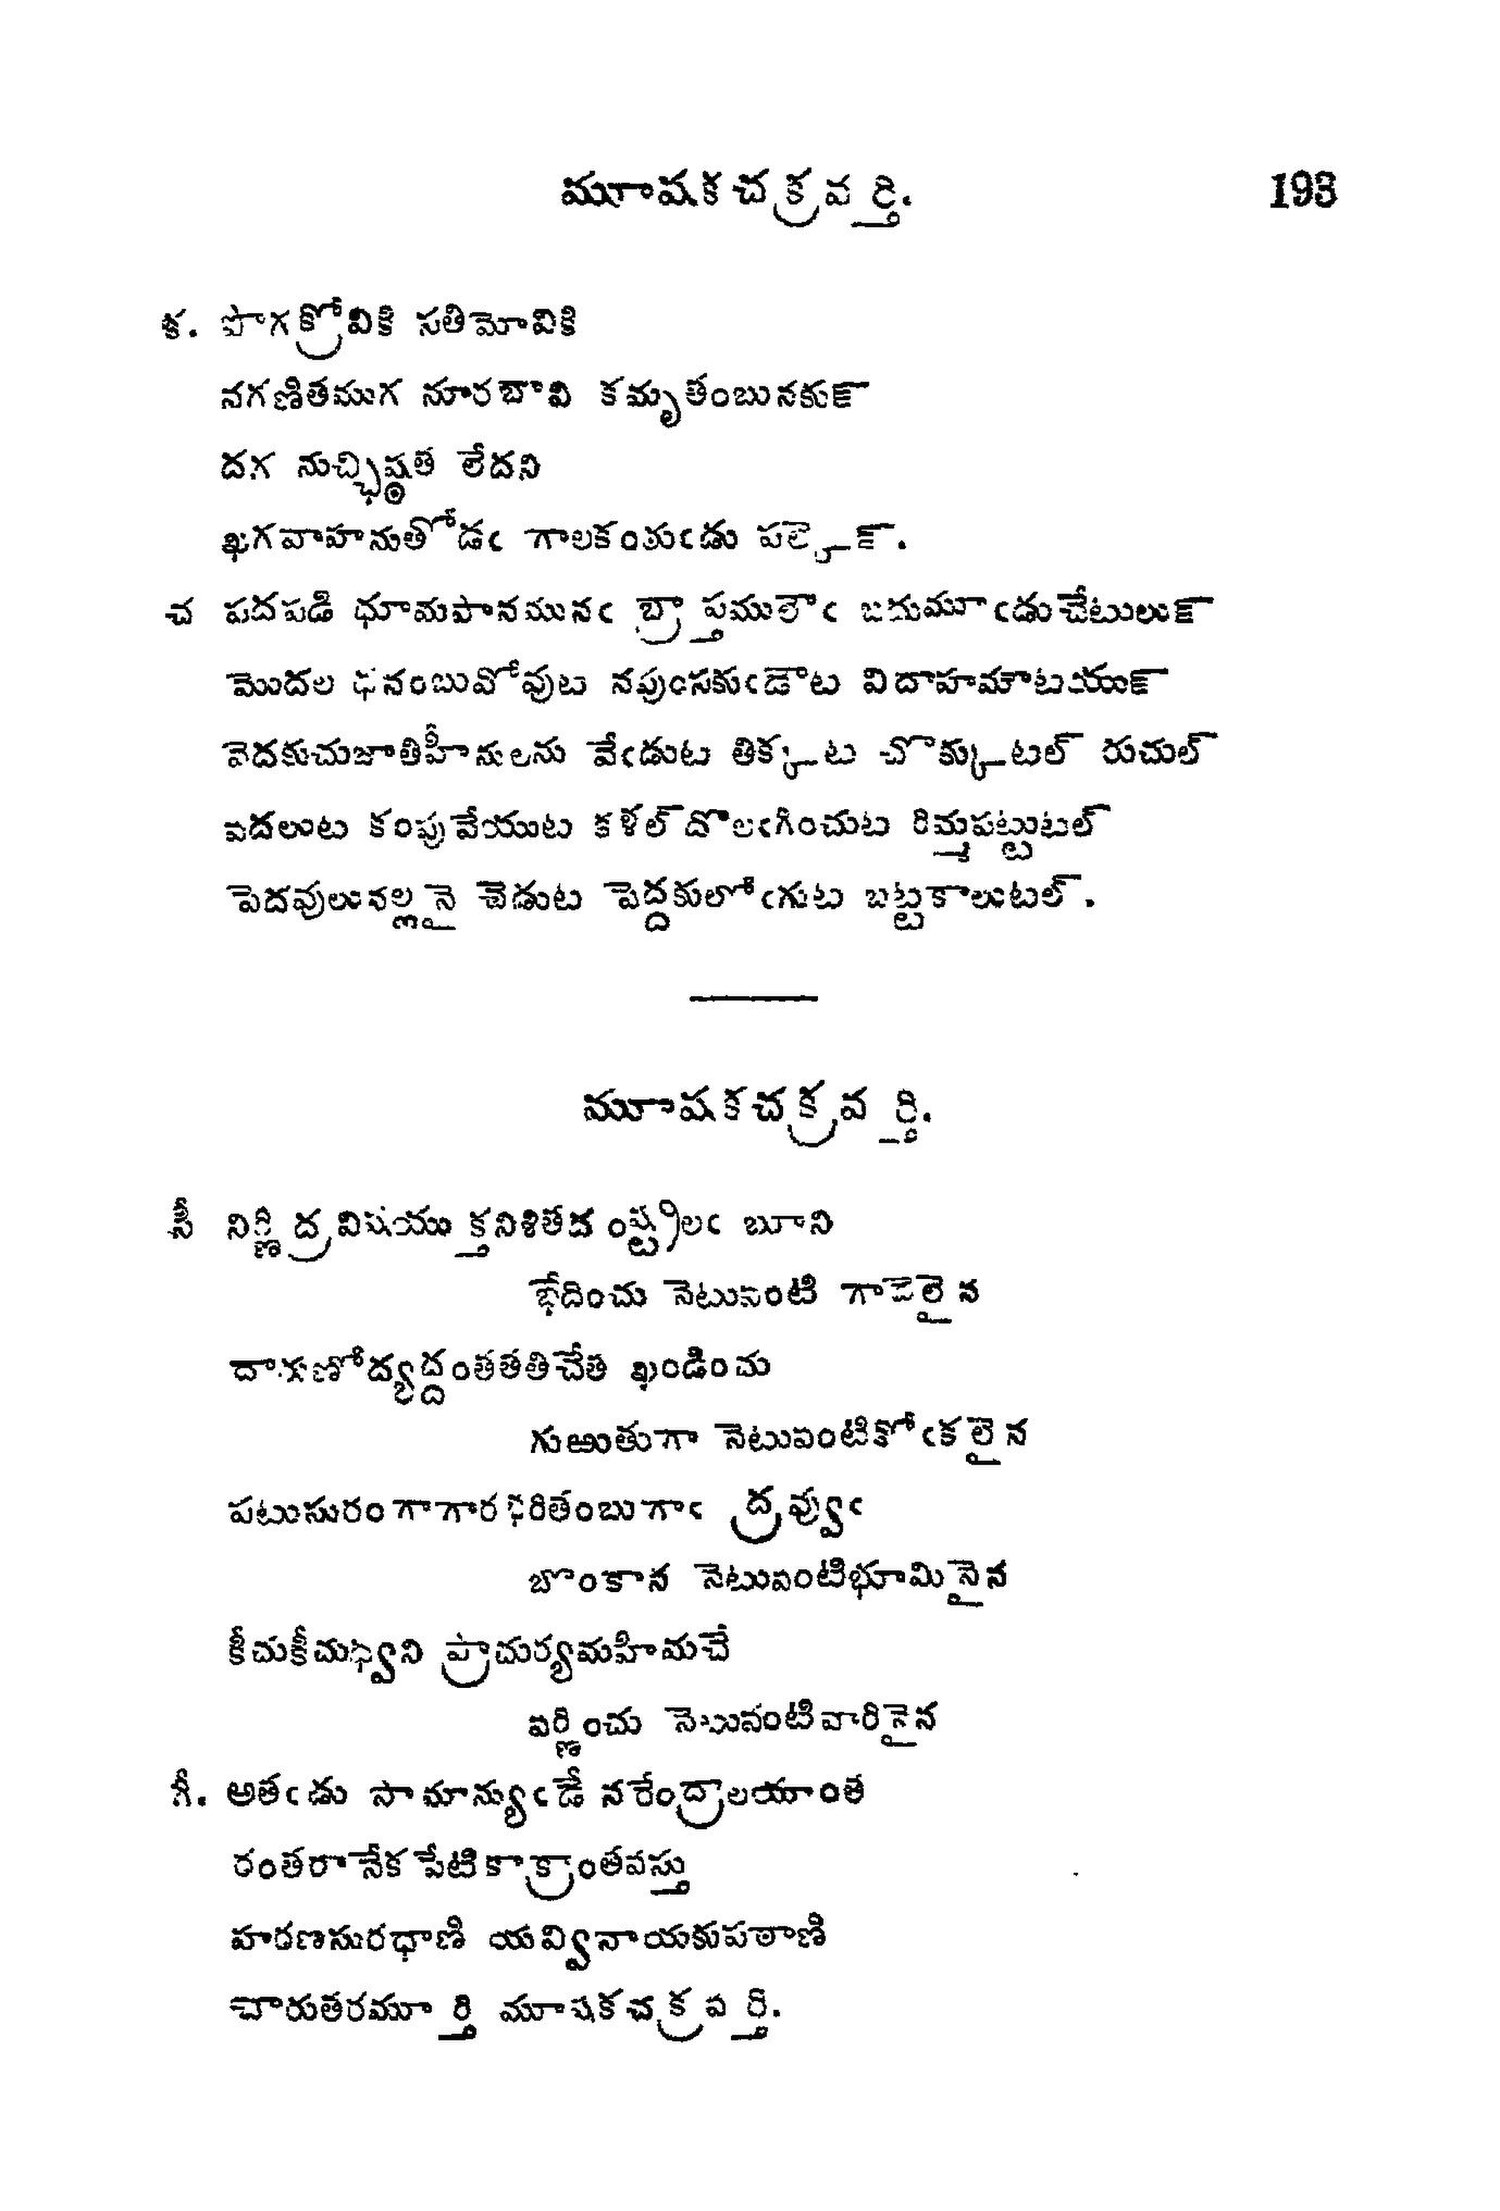క. పొగక్రోవికి సతిమోవికి
 నగణితముగ నూరబావి కమృతంబునకున్
 దగ నుచ్ఛిష్ఠత లేదని
 ఖగవాహనుతోడఁ గాలకంఠుఁడు పల్కెన్.
చ. పదపడి ధూమపానమునఁ బ్రాప్తములౌఁ బదుమూఁడుచేటులున్
 మొదల ధనంబువోవుట నపుంసకుఁడౌట విదాహమౌటయున్
 వెదకుచు జాతిహీనులను వేఁడుట తిక్కట చొక్కుటల్ రుచుల్
 వదలుట కంపువేయుట కళల్ దొలఁగించుట రిమ్మపట్టుటల్
 పెదవులు నల్లనై చెడుట పెద్దకులోఁగుట బట్టకాలుటల్.

సీ. నిర్ణిద్రవిషయుక్తనిశితదంష్ట్రలఁ బూని
 భేదించు నెటువంటి గాదెలైన
 దారుణోద్యద్దంతతిచేత ఖండించు
 గుఱుతుగా నెటువంటికోఁకలైన
 పటుసురంగాగారభరితంబుగాఁ ద్రవ్వుఁ
 బొంకాన నెటువంటిభూమినైన
 కీచుకీచుధ్వని ప్రాచుర్యమహిమచే
 వర్ణించు నెటువంటివారినైన
గీ. అతఁడు సామాన్యుఁడే నరేంద్రాలయాంత
 రంతరానేకపేటికాక్రాంతవస్తు
 హరణసురధాణి యవ్వినాయకుపఠాణి
 చారుతరమూర్తి మూషకచక్రవర్తి.